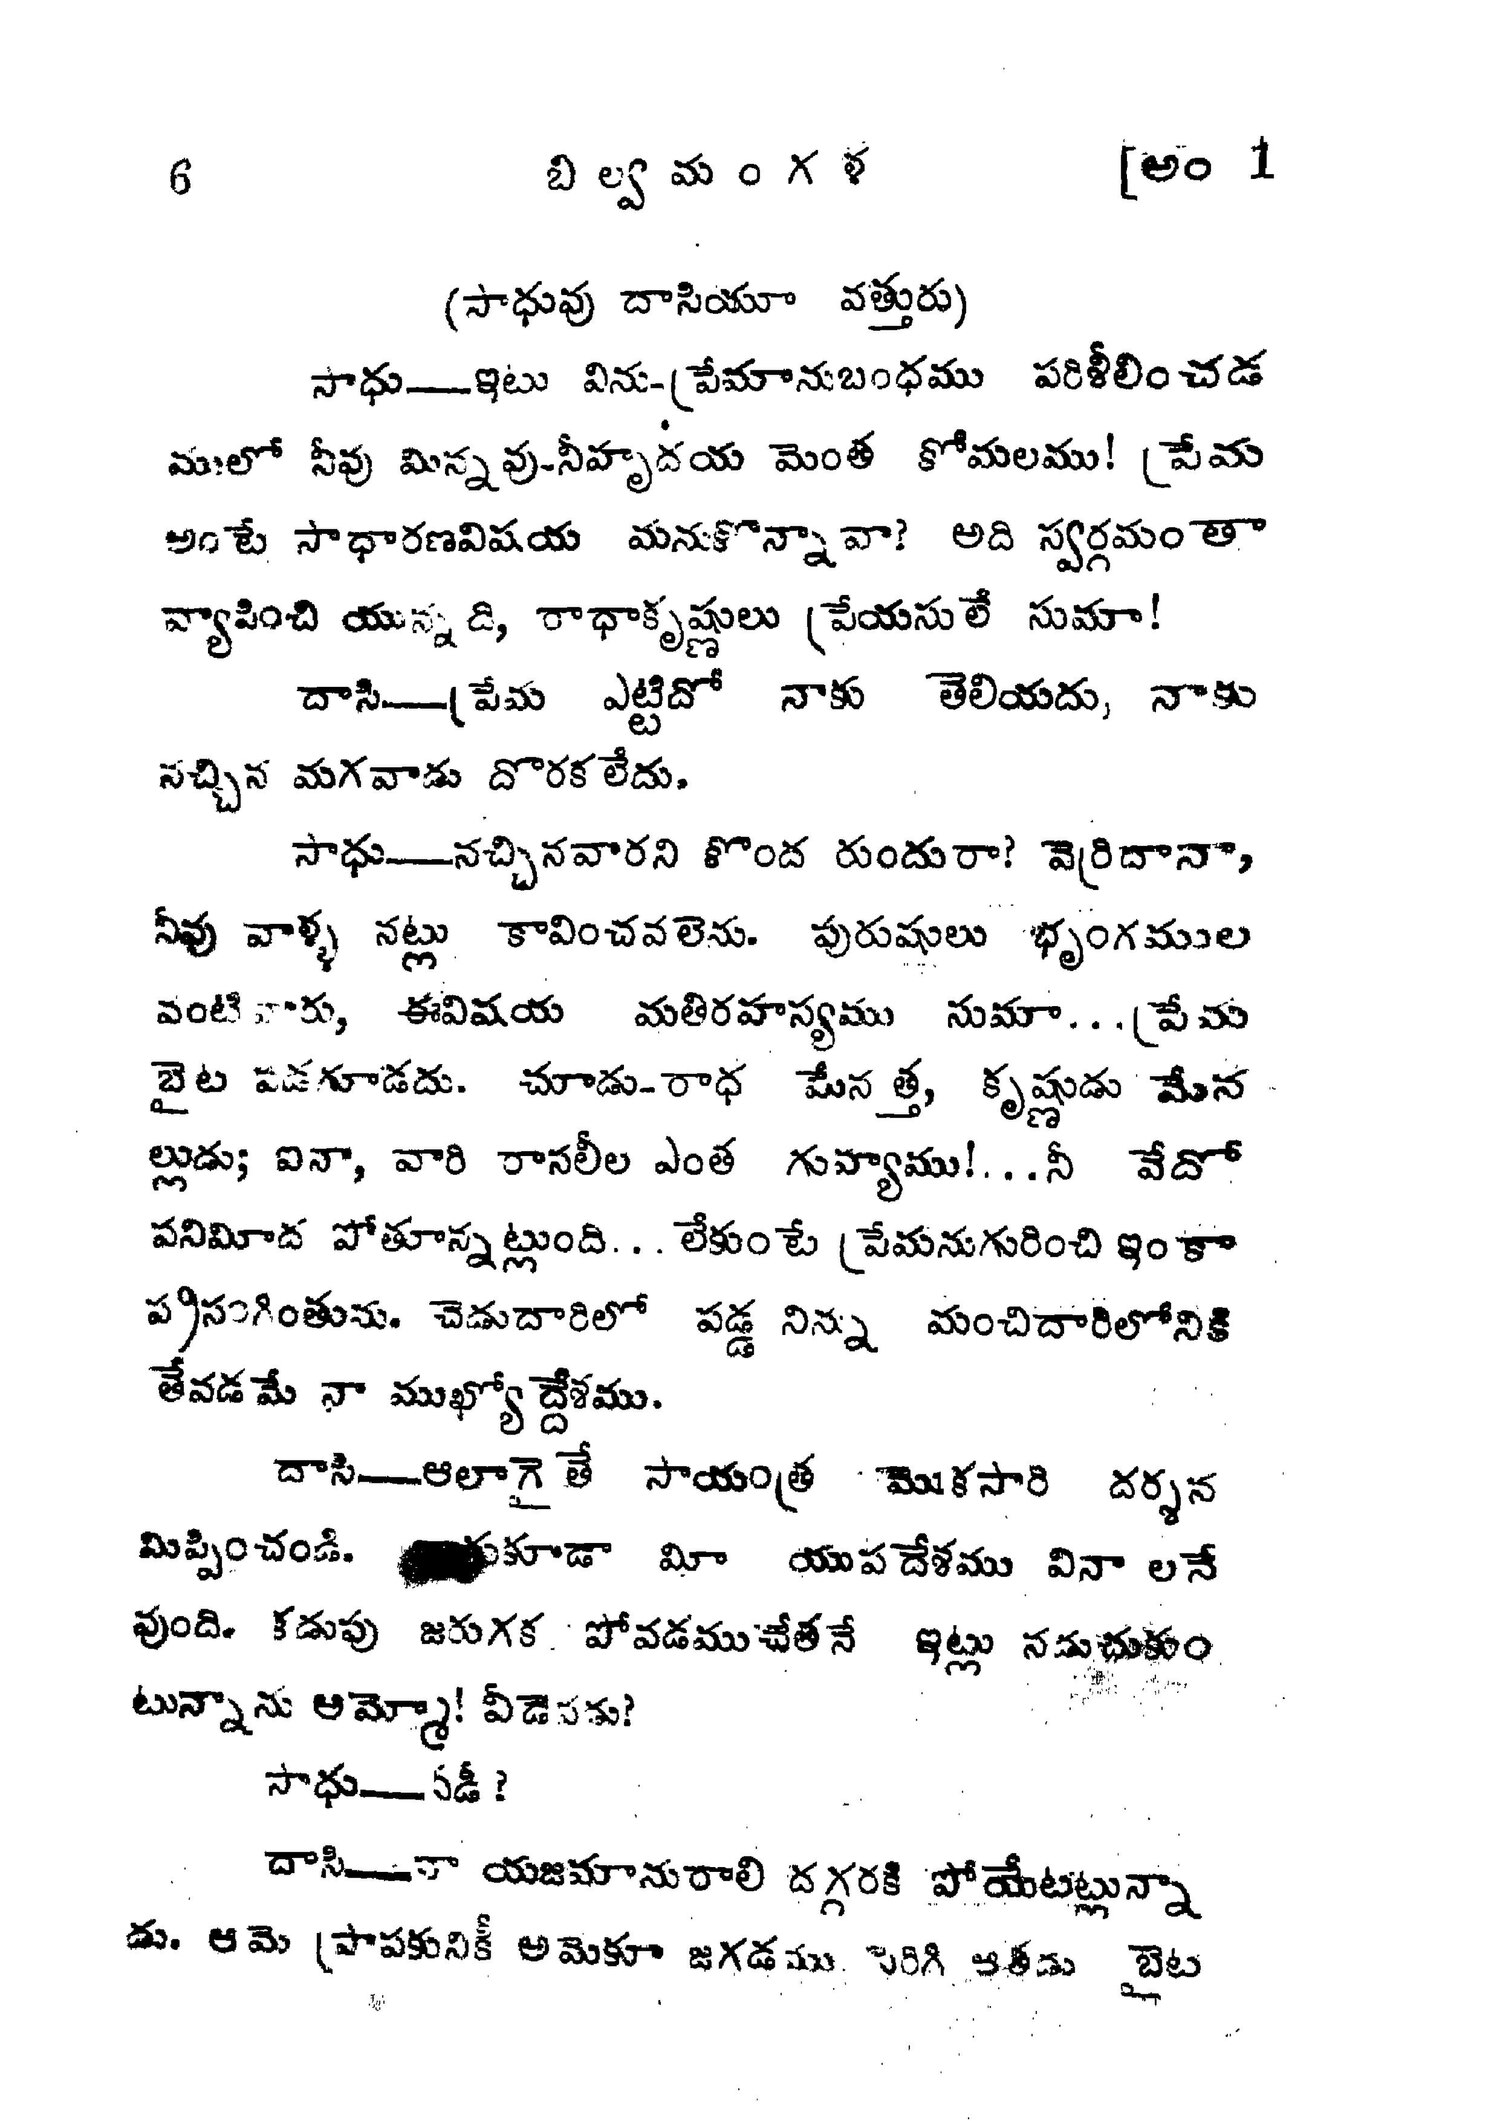సాధు - ఇటు విను - ప్రేమానుబంధము పరిశీలించడములో నీవు మిన్నవు - నీహృదయ మెంత కోమలము! ప్రేమ అంటే సాధారణవిషయ మనుకొన్నావా? అది స్వర్గమంతా వ్యాపించి యున్నది, రాధాకృష్ణులు ప్రేయసులే సుమా!

దాసి - ప్రేమ ఎట్టిదో నాకు తెలియదు, నాకు నచ్చిన మగవాడు దొరకలేదు.

సాధు - నచ్చినవారని కొంద రుందురా? వెర్రిదానా, నీవు వాళ్ళ నట్లు కావించవలెను. పురుషులు భృంగముల వంటివారు, ఈవిషయ మతిరహస్యము సుమా...ప్రేమ బైట పడగూడదు. చూడు - రాధ మేనత్త, కృష్ణుడు మేనల్లుడు; ఐనా, వారి రాసలీల ఎంత గుహ్యము! ...నీ వేదో పనిమీద పోతూన్నట్లుంది...లేకుంటే ప్రేమనుగురించి ఇంకా ప్రసంగింతును. చెడుదారిలో పడ్డ నిన్ను మంచిదారిలోనికి తేవడమే నా ముఖ్యోద్దేశము.

దాసి - ఆలాగైతే సాయంత్ర మొకసారి దర్శన మిప్పించండి. నాకుకూడా మీ యుపదేశము వినా లనే వుంది. కడుపు జరుగక పోవడముచేతనే ఇట్లు నడుచుకుంటున్నాను అమ్మో! వీడెవడు?

సాధు - ఏడీ?

దాసి - నా యజమానురాలి దగ్గరికి పోయేటట్లున్నాడు. ఆమె ప్రాపకునికీ ఆమెకూ జగడము పెరిగి ఆతడు బైట